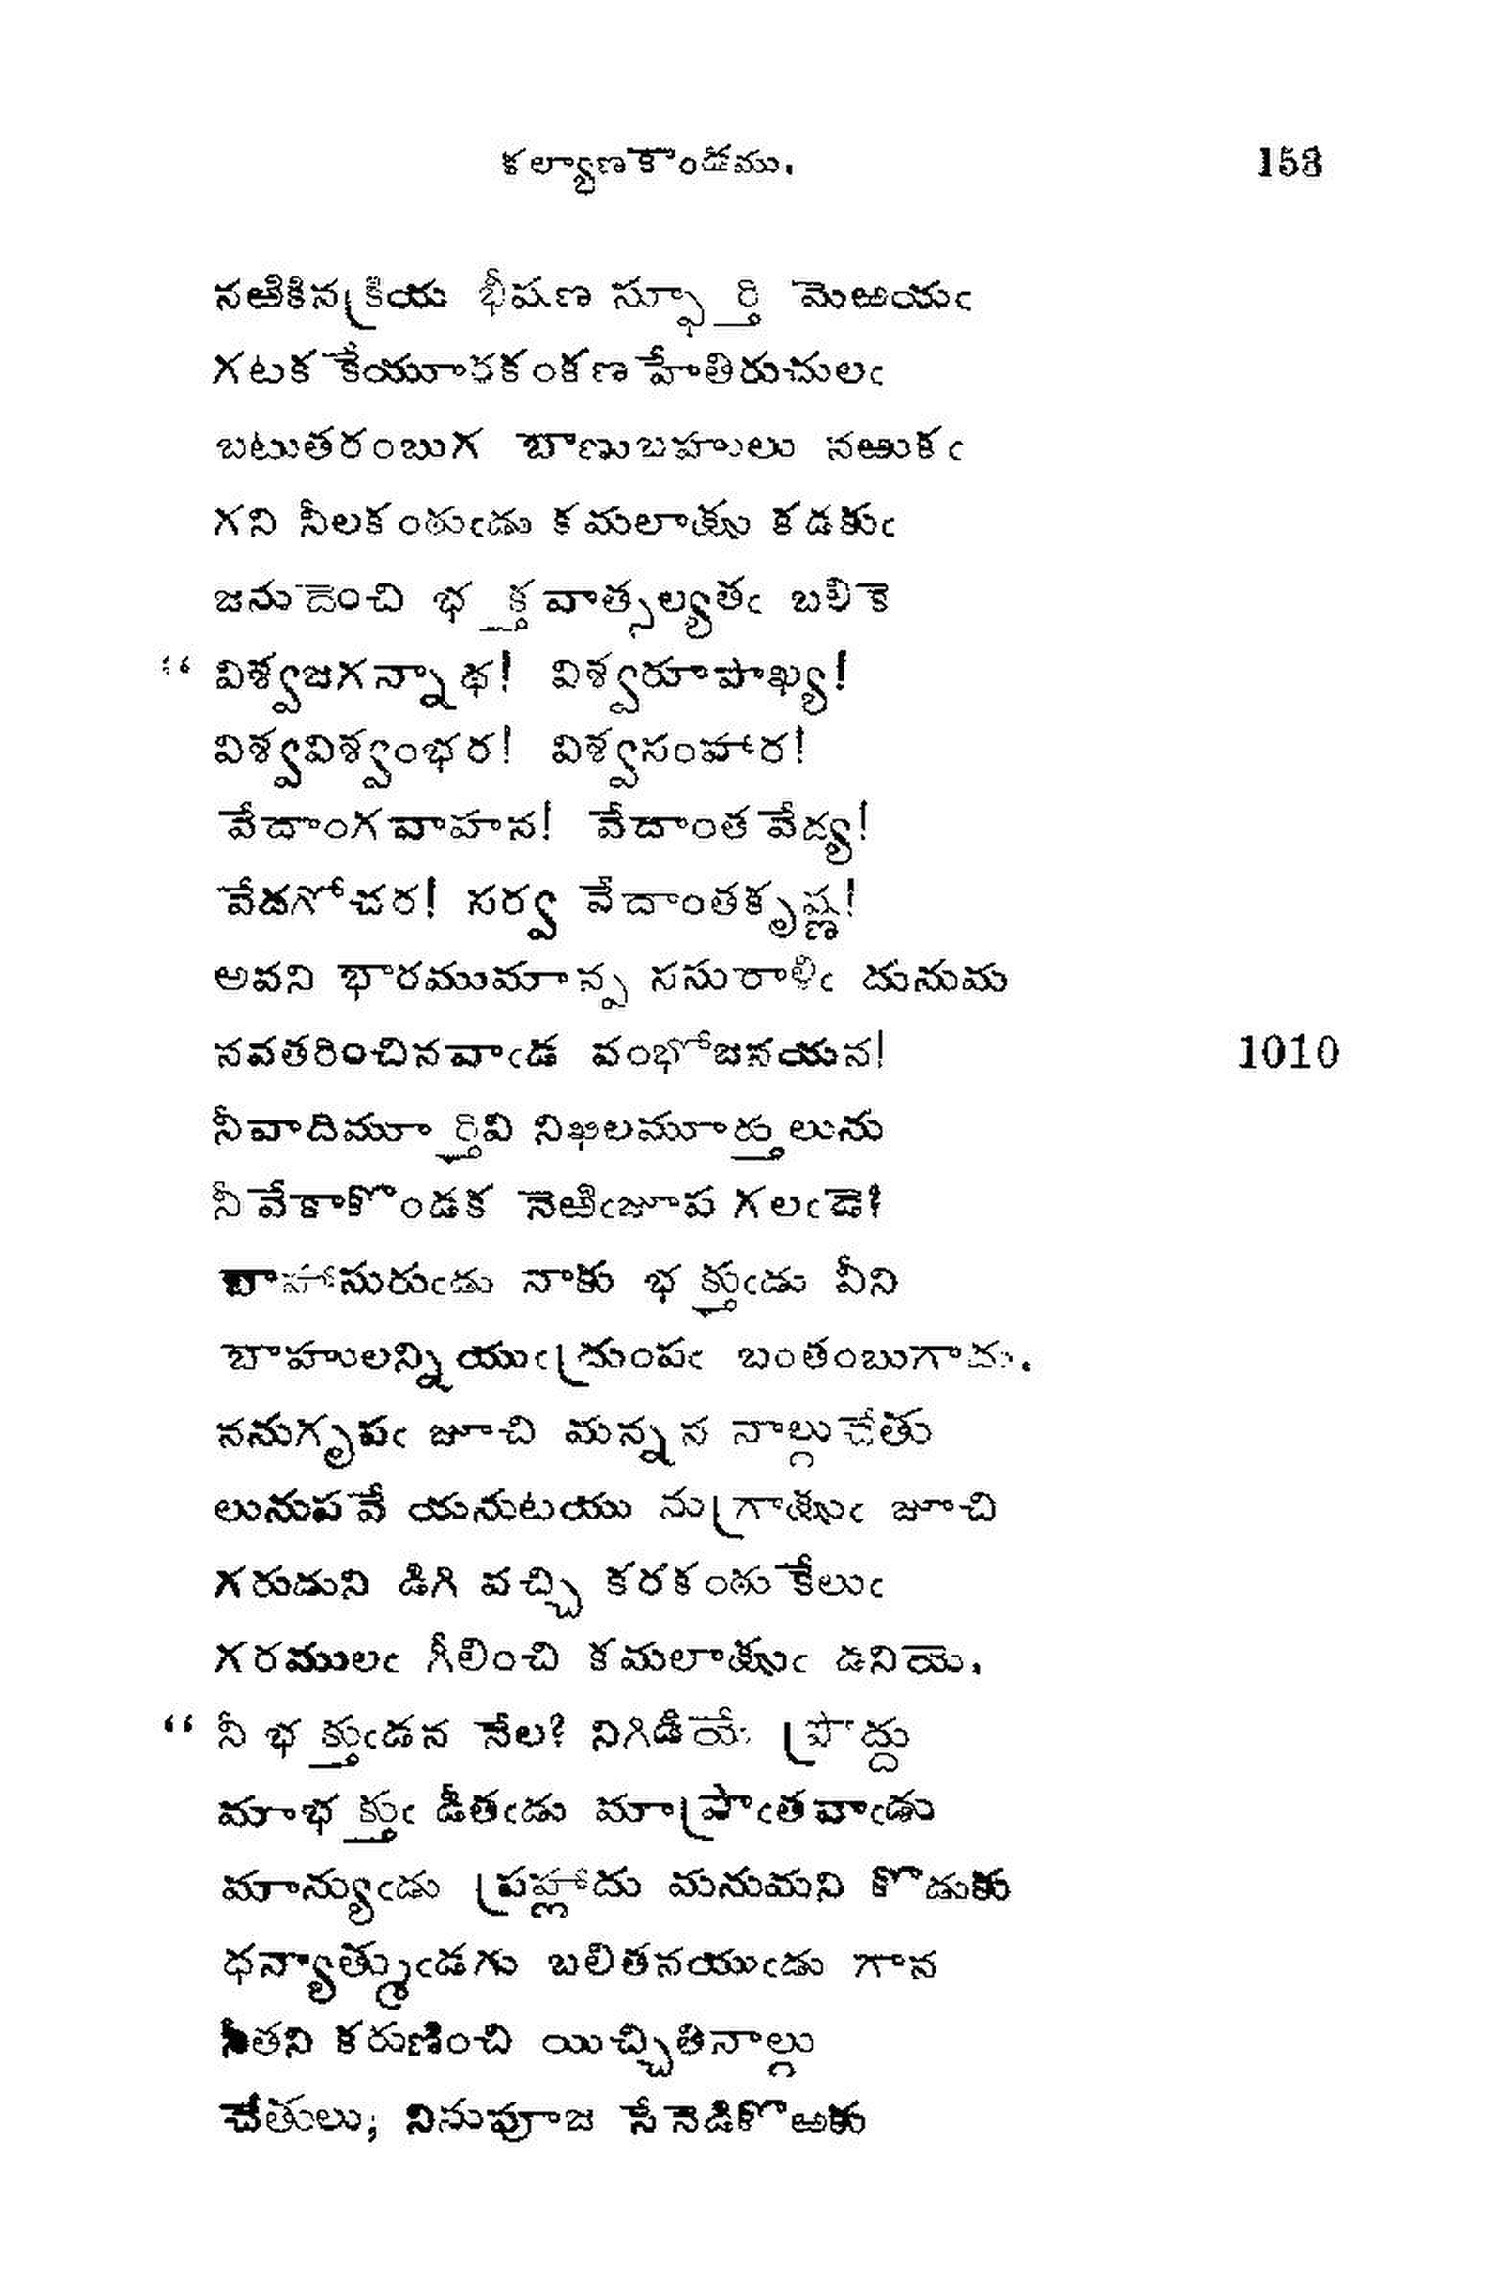నఱికినక్రియ భీషణస్ఫూర్తి మెఱయఁ
గటక కేయూరకంకణహేతిరుచులఁ
బటుతరంబుగ బాణుబాహులు నఱుకఁ
గని నీలకంఠుఁడు కమలాక్షు కడకుఁ
జనుదెంచి భక్తవాత్సల్యతఁ బలికె
“విశ్వజగన్నాథ! విశ్వరూపాఖ్య! 
విశ్వవిశ్వంభర! విశ్వసంహార! 
వేదాంగవాహన! వేదాంతవేద్య! 
వేదగోచర! సర్వవేదాంతకృష్ణ! 
అవని భారముమాన్ప ససురాళిఁ దునుమ
నవతరించినవాఁడ వంభోజనయన!
నీవాదిమూర్తివి నిఖిలమూర్తులును
నీవెకాకొండక నెఱిఁజూపగలడె? 
బాహాసురుఁడు నాకు భక్తుఁడు వీని
బాహులన్నియుఁదుంప బంతంబుగాదు. 
ననుగృపఁజూచి మన్నన నాల్గుచేతు
లునుపవే” యనుటయు నుగ్రాక్షుఁజూచి
గరుడుని డిగి వచ్చి కరకంఠుకేలుఁ
గరములఁ గీలించి కమలాక్షుఁడనియె. 
“నీ భక్తుఁడననేల? నిగిడియే ప్రొద్దు
మాభక్తుఁ డీతడు మాప్రాఁతవాఁడు
మాన్యుఁడు ప్రహ్లాదు మనుమని కొడుకు
ధన్యాత్ముఁడగు బలితనయుఁడు గాన
నీతని కరుణించి యిచ్చితినాల్గు
చేతులు; నినుపూజ సేసెడికొఱకు